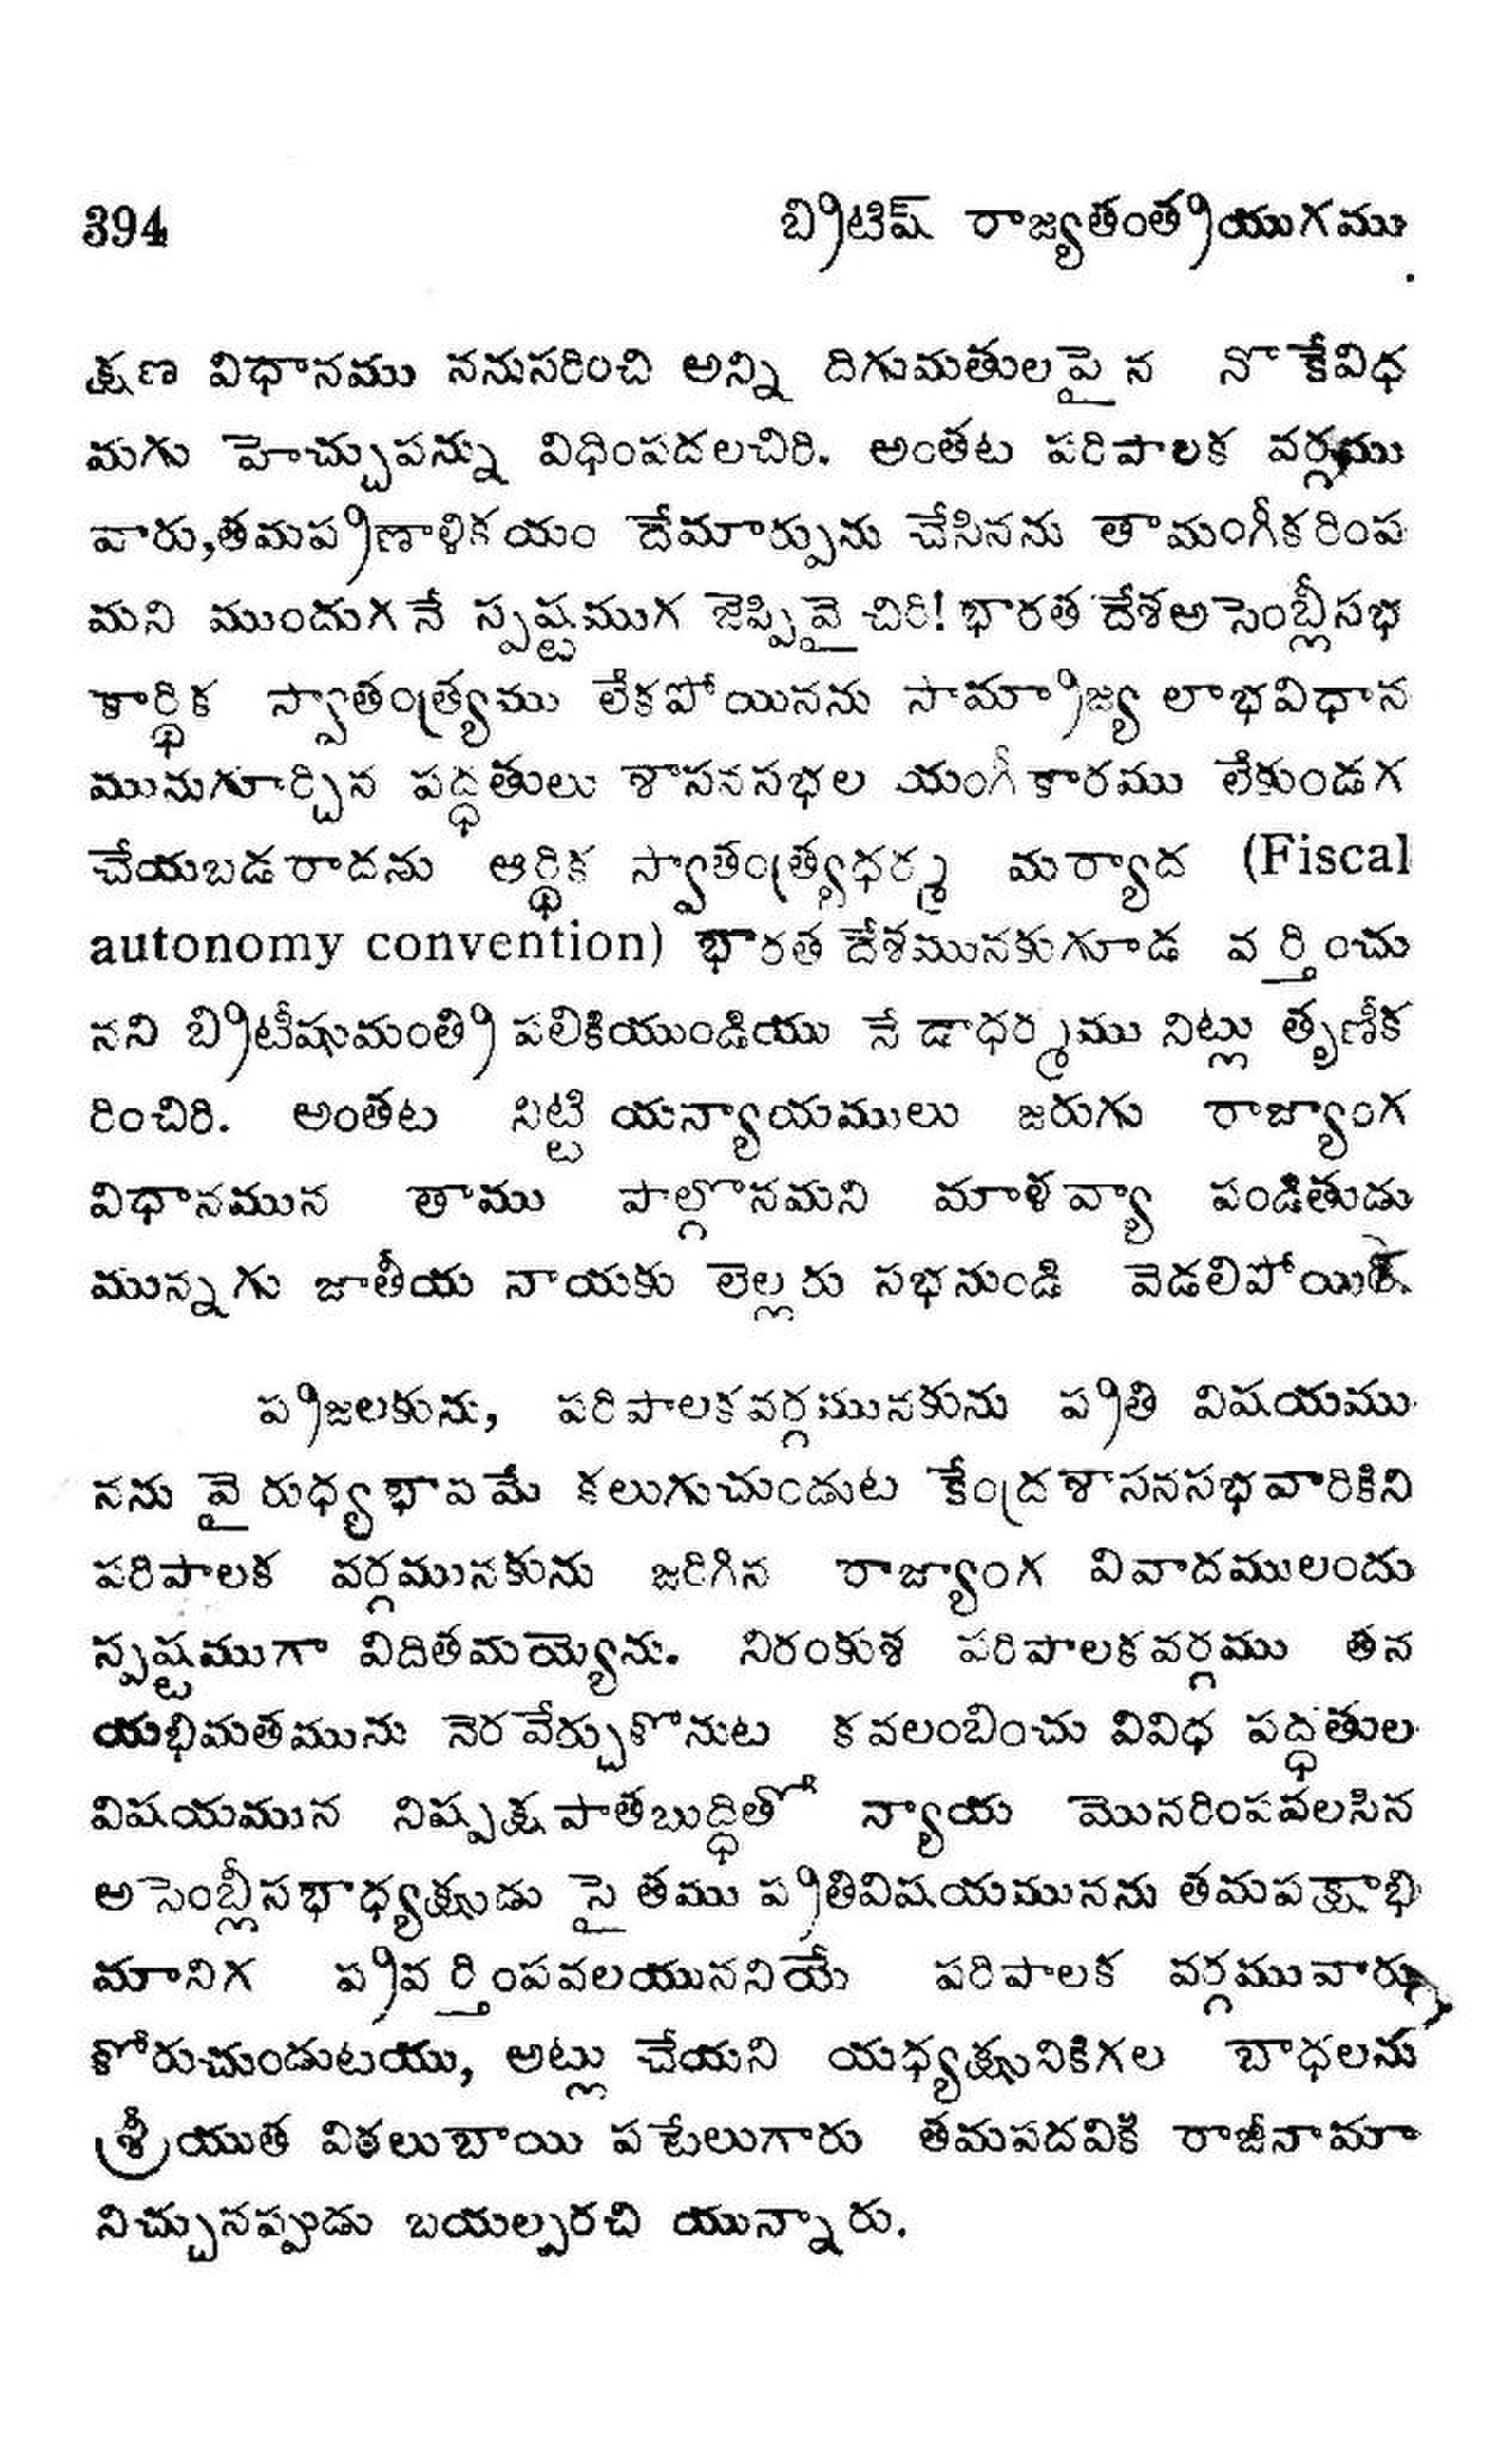క్షణ విధానము ననుసరించి అన్ని దిగుమతులపైన నొకేవిధమగు హెచ్చుపన్ను విధింపదలచిరి. అంతట పరిపాలక వర్గమువారు, తమప్రణాళికయం దేమార్పును చేసినను తామంగీకరింపమని ముందుగనే స్పష్టముగ జెప్పివైచిరి! భారతదేశ అసెంబ్లీసభ కార్థిక స్వాతంత్ర్యము లేకపోయినను సామ్రాజ్య లాభవిధానమునుగూర్చిన పద్దతులు శాసనసభల యంగీకారము లేకుండగ చేయబడరాదను ఆర్ధిక స్వాతంత్ర్యధర్మ మర్యాద (Fiscal autonomy convention) భారత దేశమునకుగూడ వర్తించునని బ్రిటీషుమంత్రి పలికియుండియు నేడాధర్మము నిట్లు తృణీకరించిరి. అంతట నిట్టి యన్యాయములు జరుగు రాజ్యాంగ విధానమున తాము పాల్గొనమని మాళవ్యా పండితుడు మున్నగు జాతీయ నాయకు లెల్లరు సభనుండి వెడలిపోయిరి.

ప్రజలకును, పరిపాలకవర్గమునకును ప్రతి విషయమునను వైరుధ్యభావమే కలుగుచుండుట కేంద్రశాసనసభవారికిని పరిపాలక వర్గమునకును జరిగిన రాజ్యాంగ వివాదములందు స్పష్టముగా విదితమయ్యెను. నిరంకుశ పరిపాలకవర్గము తన యభిమతమును నెరవేర్చుకొనుట కవలంబించు వివిధ పద్దతుల విషయమున నిష్పక్షపాతబుద్దితో న్యాయ మొనరింపవలసిన అసెంబ్లీ సభాధ్యక్షుడు సైతము ప్రతివిషయమునను తమపక్షాభిమానిగ ప్రవర్తింపవలయుననియే పరిపాలక వర్గమువారు కోరుచుండుటయు, అట్లు చేయని యధ్యక్షునికిగల బాధలను శ్రీయుత విఠలుబాయి పటేలుగారు తమపదవికి రాజీనామా నిచ్చునప్పుడు బయల్పరచి యున్నారు.